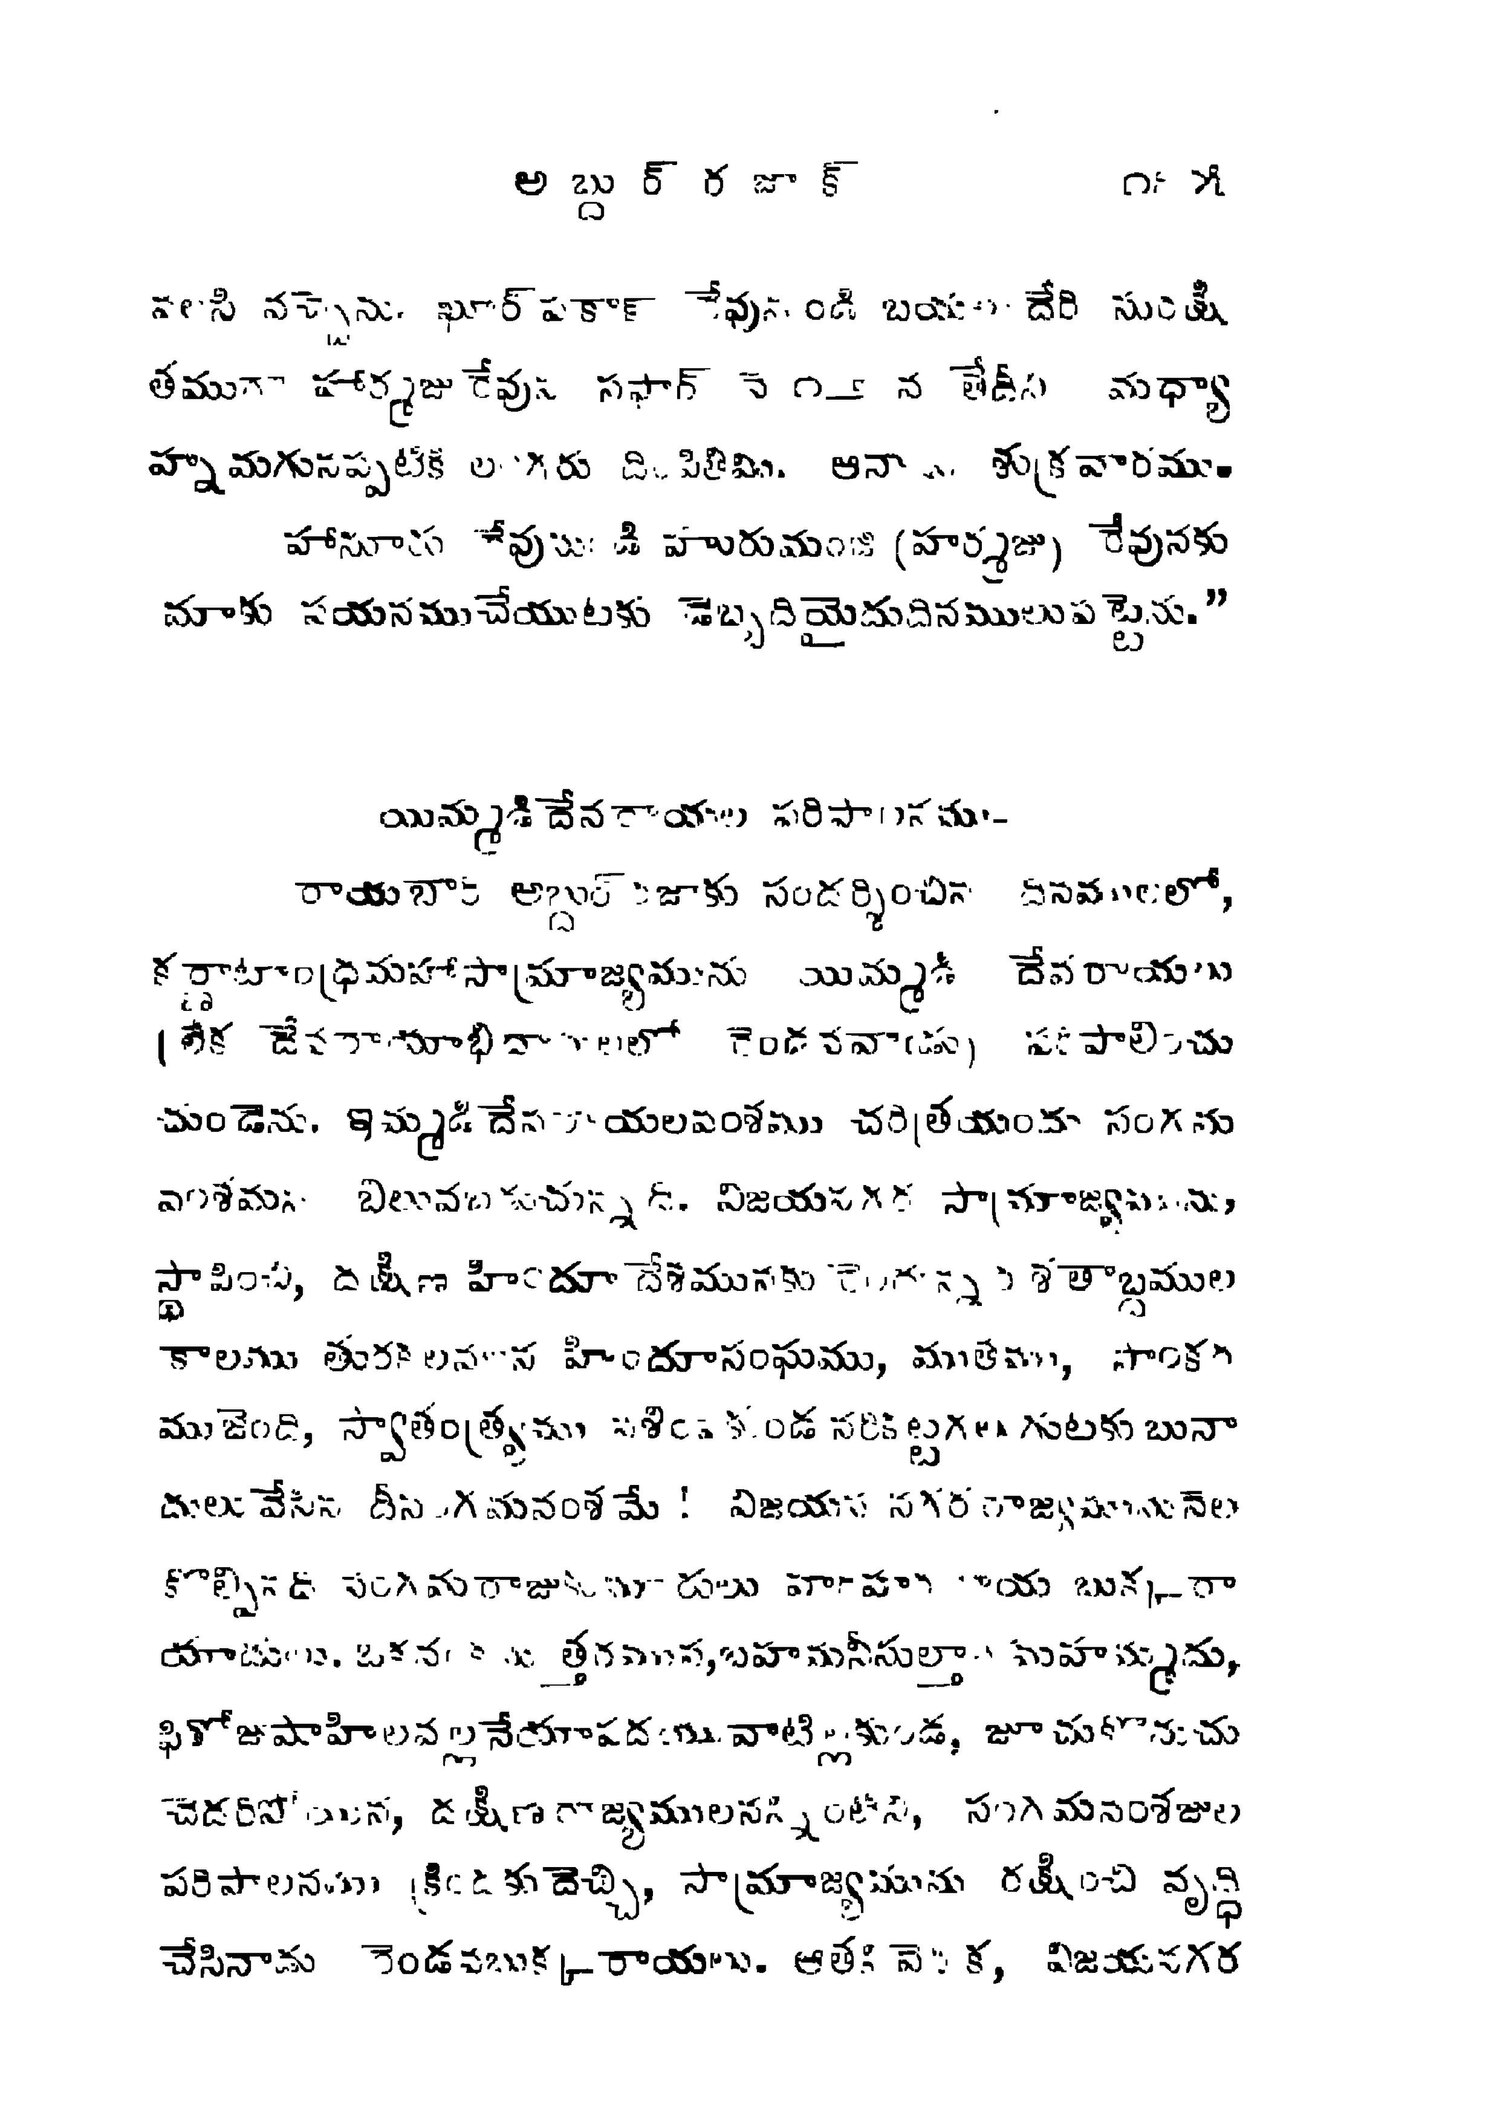వలసి వచ్చెను. ఖూర్‌పకాన్ రేవునుండి బయలుదేరి సురక్షితముగా హార్మజు రేవున సఫార్ నె 12 వ తేదీని మధ్యాహ్నమగునప్పటికి లంగరు దింపితిమి. ఆనాడు శుక్రవారము.

హానూరు రేవునుండి హురుమంజి (హర్మజు) రేవునకు మాకు పయనము చేయుటకు డెబ్బదియైదుదినములు పట్టెను."

రాయబారి అబ్దుర్‌రజాక్ సందర్శించిన దినములలో, కర్ణాటాంధ్ర మహాసామ్రాజ్యమును యిమ్మడి దేవరాయలు (లేక దేవరాయాభిదానులలో రెండవవాడు) పరిపాలించుచుండెను. ఇమ్మడిదేవరాయల వంశము చరిత్రయందు సంగమ వంశమున బిలువబడు చున్నది. విజయనగర సామ్రాజ్యమును, స్థాపించి, దక్షిణ హిందూదేశమునకు రెండున్నర శతాబ్దముల కాలము తురకలవలన హిందూసంఘము. మతము, సాంకరముజెంది, స్వాతంత్ర్యము నశింపకుండ నరికట్టగలుగుటకు బునాదులువేసిన దీసంగమవంశమే! విజయనగర రాజ్యమును నెలకొల్పినది సంగమరాజుకుమారులు హరిహరరాయ బుక్కరాయాదులు. ఒకవంకనుత్తరమున, బహమనీసుల్తాను మహమ్మదు, ఫిరోజుషాహిలవల్ల నేయాపదయు వాటిల్లకుండ, జూచుకొనుచు చెదరిపోయిన, దక్షిణ రాజ్యములనన్నింటిని, సంగమవంశజుల పరిపాలనము క్రిందకుదెచ్చి, సామ్రాజ్యమును రక్షించి వృద్ధిచేసినాడు. రెండవ బుక్కరాయలు. ఆతనివెనుక, విజయనగర